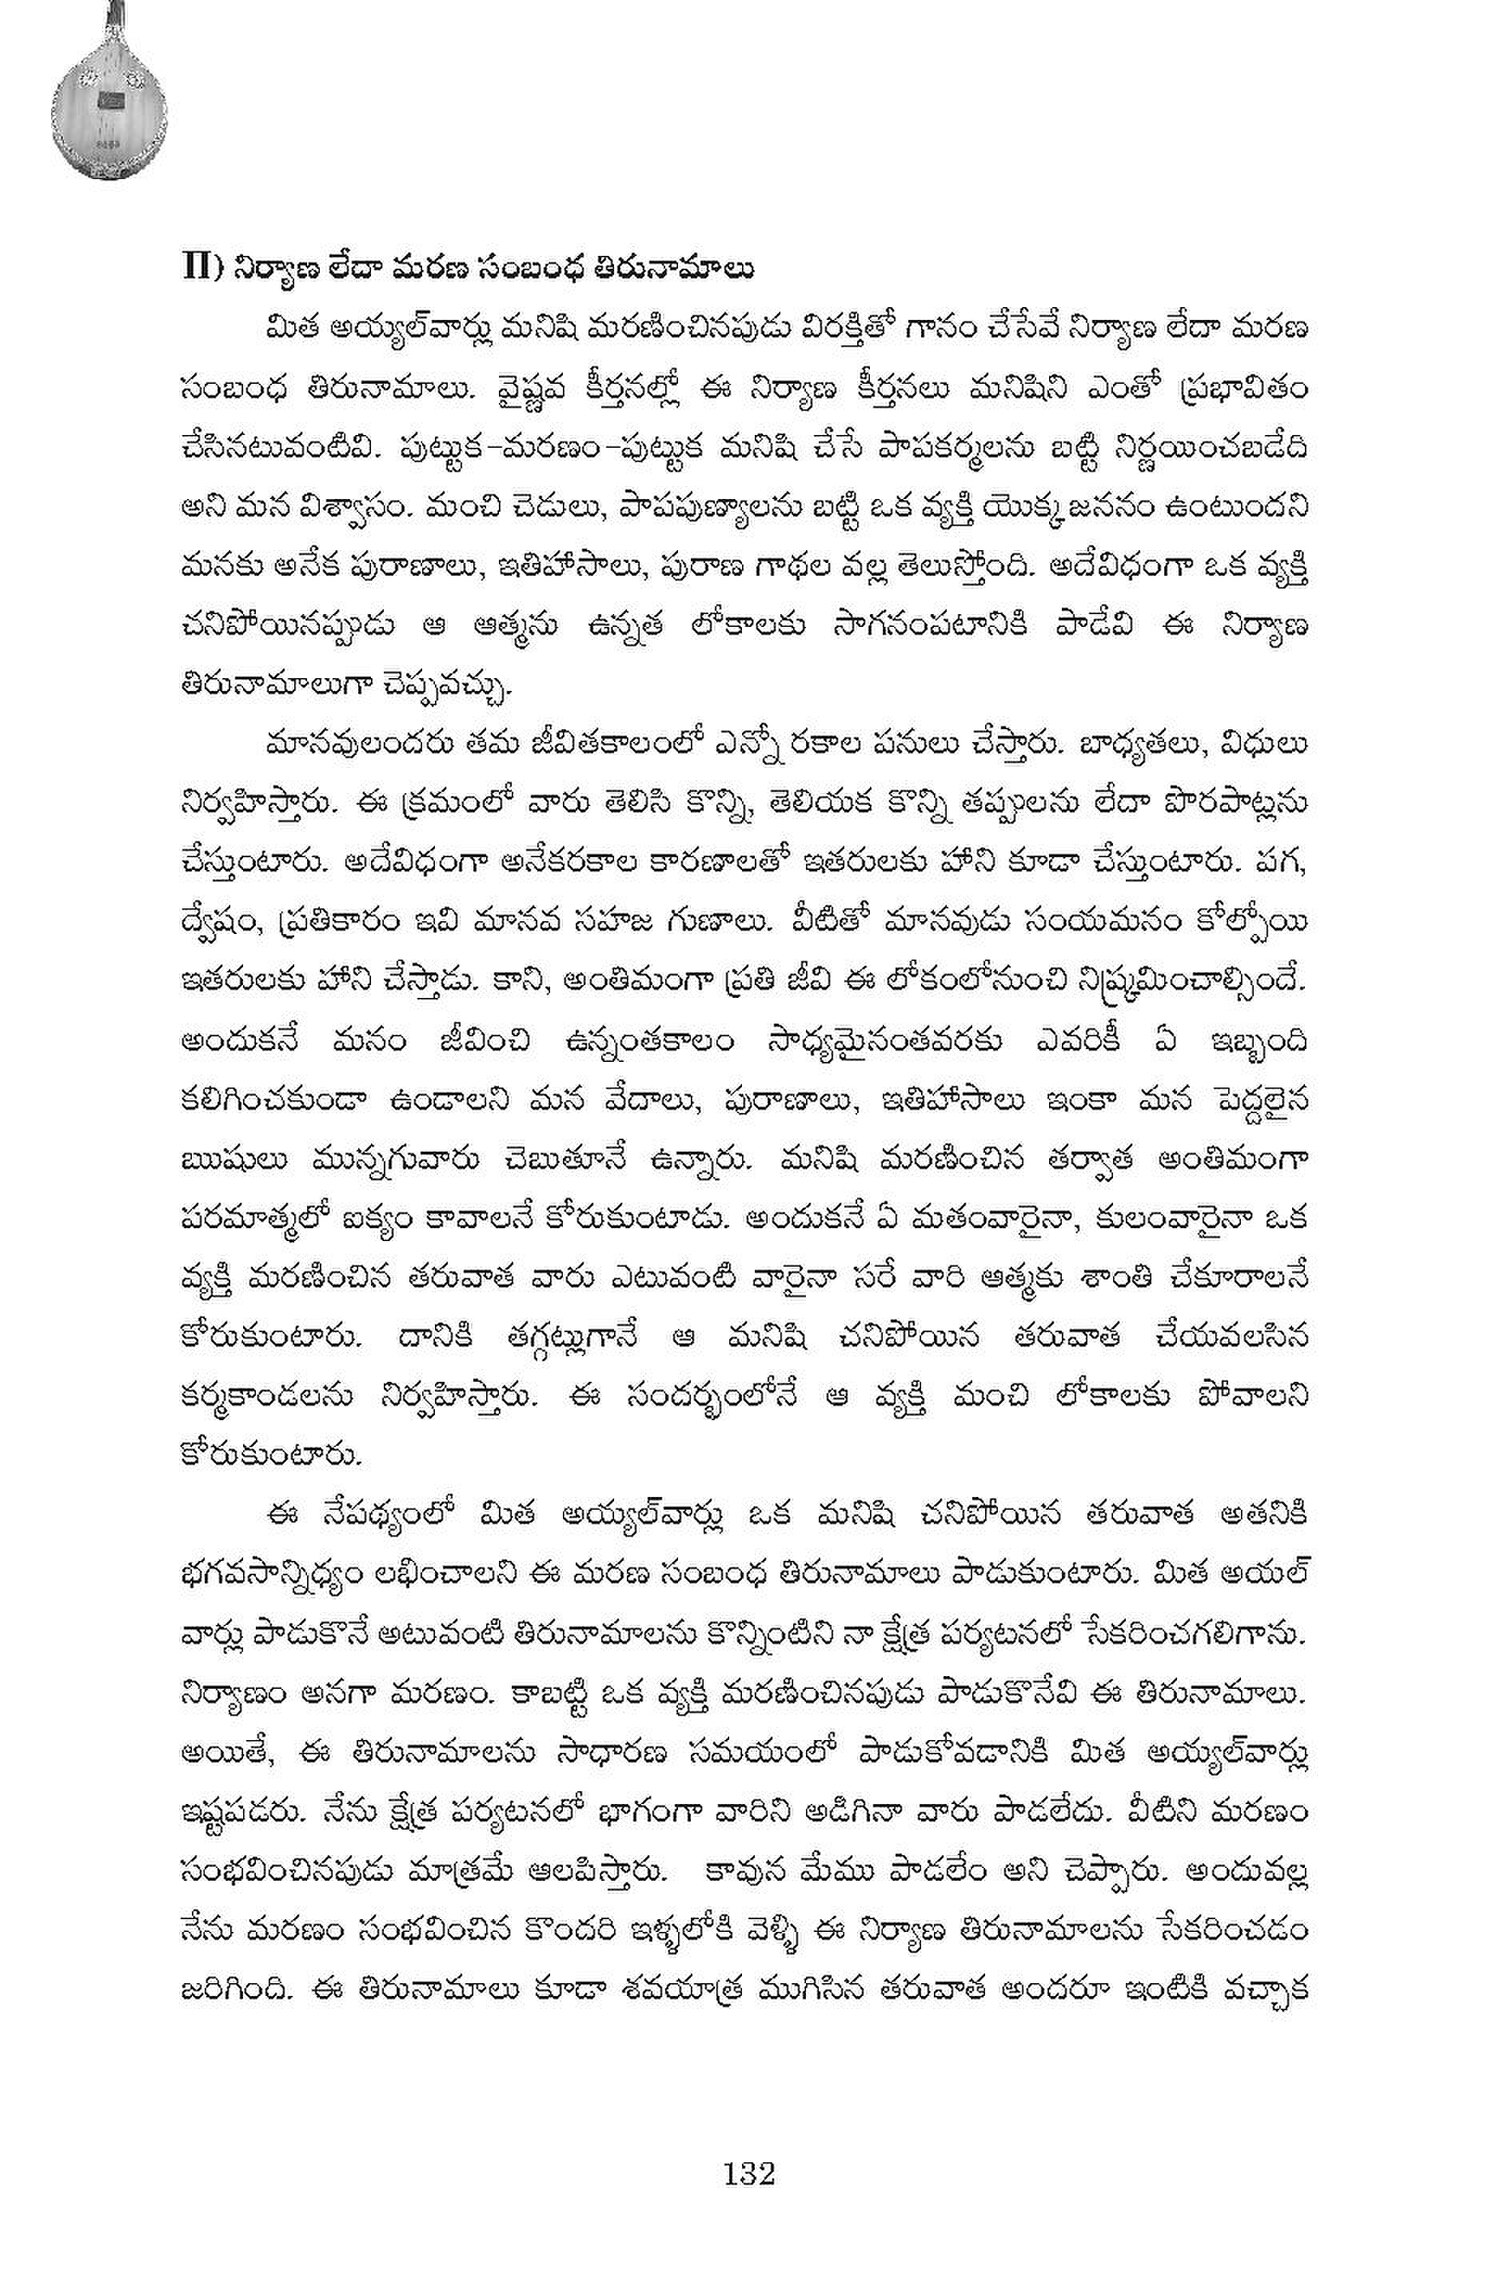II) నిర్యాణ లేదా మరణ సంబంధ తిరునామాలు 

మిత అయ్యల్వార్లు మనిషి మరణించినపుడు విరక్తితో గానం చేసేవే నిర్యాణ లేదా మరణ సంబంధ తిరునామాలు. వైష్ణవ కీర్తనల్లో ఈ నిర్యాణ కీర్తనలు మనిషిని ఎంతో ప్రభావితం చేసినటువంటివి. పుట్టుక-మరణం-పుట్టుక మనిషి చేసే పాపకర్మలను బట్టి నిర్ణయించబడేది అని మన విశ్వాసం. మంచి చెడులు, పాపపుణ్యాలను బట్టి ఒక వ్యక్తి యొక్క జననం ఉంటుందని మనకు అనేక పురాణాలు, ఇతిహాసాలు, పురాణ గాథల వల్ల తెలుస్తోంది. అదేవిధంగా ఒక వ్యక్తి
చనిపోయినప్పుడు ఆ ఆత్మను ఉన్నత లోకాలకు సాగనంపటానికి పాడేవి ఈ నిర్యాణ తిరునామాలుగా చెప్పవచ్చు.

మానవులందరు తమ జీవితకాలంలో ఎన్నో రకాల పనులు చేస్తారు. బాధ్యతలు, విధులు నిర్వహిస్తారు. ఈ క్రమంలో వారు తెలిసి కొన్ని, తెలియక కొన్ని తప్పులను లేదా పొరపాట్లను చేస్తుంటారు. అదేవిధంగా అనేకరకాల కారణాలతో ఇతరులకు హాని కూడా చేస్తుంటారు. పగ, ద్వేషం, ప్రతికారం ఇవి మానవ సహజ గుణాలు. వీటితో మానవుడు సంయమనం కోల్పోయి ఇతరులకు హాని చేస్తాడు. కాని, అంతిమంగా ప్రతి జీవి ఈ లోకంలోనుంచి నిష్క్రమించాల్సిందే.
అందుకనే మనం జీవించి ఉన్నంతకాలం సాధ్యమైనంతవరకు ఎవరికీ ఏ ఇబ్బంది కలిగించకుండా ఉండాలని మన వేదాలు, పురాణాలు, ఇతిహాసాలు ఇంకా మన పెద్దలైన ఋషులు మున్నగువారు చెబుతూనే ఉన్నారు. మనిషి మరణించిన తర్వాత అంతిమంగా పరమాత్మలో ఐక్యం కావాలనే కోరుకుంటాడు. అందుకనే ఏ మతంవారైనా, కులంవారైనా ఒక వ్యక్తి మరణించిన తరువాత వారు ఎటువంటి వారైనా సరే వారి ఆత్మకు శాంతి చేకూరాలనే
కోరుకుంటారు. దానికి తగ్గట్లుగానే ఆ మనిషి చనిపోయిన తరువాత చేయవలసిన కర్మకాండలను నిర్వహిస్తారు. ఈ సందర్భంలోనే ఆ వ్యక్తి మంచి లోకాలకు పోవాలని కోరుకుంటారు.

ఈ నేపథ్యంలో మిత అయ్యల్వార్లు ఒక మనిషి చనిపోయిన తరువాత అతనికి భగవసాన్నిధ్యం లభించాలని ఈ మరణ సంబంధ తిరునామాలు పాడుకుంటారు. మిత అయల్ వార్లు పాడుకొనే అటువంటి తిరునామాలను కొన్నింటిని నా క్షేత్ర పర్యటనలో సేకరించగలిగాను. నిర్యాణం అనగా మరణం. కాబట్టి ఒక వ్యక్తి మరణించినపుడు పాడుకొనేవి ఈ తిరునామాలు. అయితే, ఈ తిరునామాలను సాధారణ సమయంలో పాడుకోవడానికి మిత అయ్యల్వార్లు ఇష్టపడరు. నేను క్షేత్ర పర్యటనలో భాగంగా వారిని అడిగినా వారు పాడలేదు. వీటిని మరణం సంభవించినపుడు మాత్రమే ఆలపిస్తారు. కావున మేము పాడలేం అని చెప్పారు. అందువల్ల నేను మరణం సంభవించిన కొందరి ఇళ్ళలోకి వెళ్ళి ఈ నిర్యాణ తిరునామాలను సేకరించడం జరిగింది. ఈ తిరునామాలు కూడా శవయాత్ర ముగిసిన తరువాత అందరూ ఇంటికి వచ్చాక